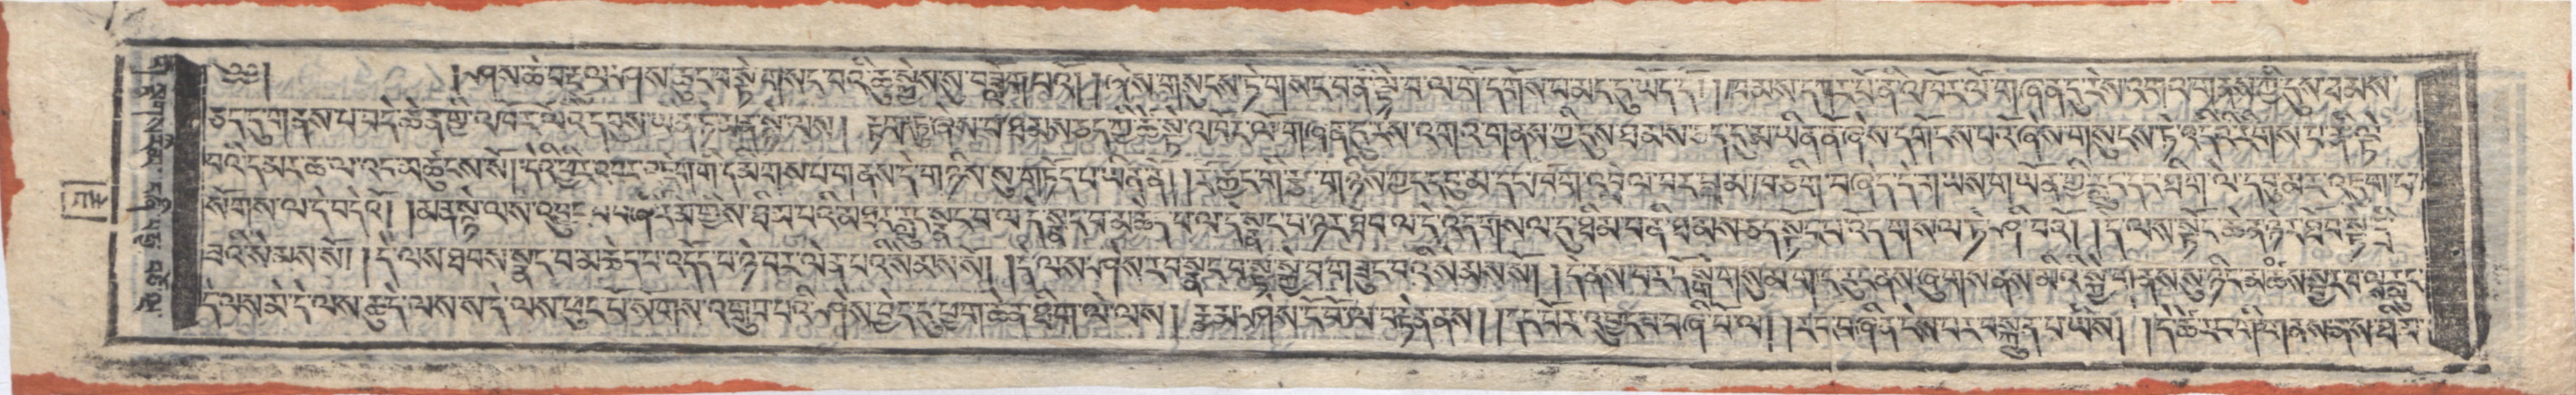༄༅། །ཤས་ཆེ་བ་རྡུལ་ཤས་ཆུང་བ་སྟེ་གསང་བའི་ཆུ་སྐྱེས་སུ་བཟློག་པའོ། །ཞེས་གསུངས་ཏེ་གསང་བ་ནི་ལྟེ་བ་ལ་གོ་དགོས་པ་མང་དུ་ཡོད་དོ། །ཁམས་དཀར་པོ་ནི་འཁོར་ལོ་གཞན་དུ་རེས་འགའ་གནས་ཀྱི་དུས་ཐམས་
ཅད་དུ་གནས་པ་བདེ་ཆེན་གྱི་འཁོར་ལོའི་དབུས་ཡིན་ཏེ་མན་སྙེ་ལས། རྟག་ཏུ་ཞེས་པ་ཐམས་ཅད་ཀྱི་ཚེ་སྟེ་འཁོར་ལོ་གཞན་དུ་རེས་འགའ་གནས་ཀྱི་དུས་ཐམས་ཅད་དུ་མ་ཡིན་ནོ་ཞེས་དགོངས་པའོ་ཞེས་གསུངས་ཏེ་འདིའི་རིགས་པ་ནི་ལྟེ་
བའི་དམར་ཆ་ལ་འང་མཚུངས་སོ། །དེའི་ཕྱིར་འབར་འཛག་གི་དམིགས་པ་གནས་དེ་གཉིས་སུ་གཏོད་པ་ཡིན་ནོ། །རོ་རྐྱང་གི་རྩ་གཉིས་ཀྱང་དབུ་མ་དང་ཁོག་འབྲེལ་བར་བླ་མ་ཁ་ཅིག་བཞེད་དེ་གཡས་གཡོན་གྱི་རླུང་དང་ཐིག་ལེ་དབུ་མར་འཇུག་པ་
སོགས་ལ་དེ་བདེའོ། །མན་སྙེ་ལས་འབྱུང་བ་བཞི་རིམ་གྱིས་ཐིམ་པའི་མཐར་རླུང་སྣང་བ་ལ་དེ་སྣང་བ་མཆེད་པ་ལ་དེ་སྣང་བ་ཉེར་ཐོབ་ལ་དེ་འོད་གསལ་དུ་ཐིམ་པ་ནི་ཐམས་ཅད་སྟོང་པ་འོད་གསལ་ཏེ་ཤི་བའོ། །དེ་ལས་སྟོང་ཆེན་ཉེར་ཐོབ་སྟེ་དྲི་
ཟའི་སེམས་སོ། །དེ་ལས་ཐབས་སྣང་བ་མཆེད་པ་འདོད་པ་ཉེ་བར་ལེན་པའི་སེམས་སོ། །དེ་ལས་ཤེས་རབ་སྣང་བ་སྟེ་སྐྱེ་བ་གཟུང་བའི་སེམས་སོ། །དེ་ནས་བར་དོ་སྒོ་གསུམ་གང་རུང་ནས་ཞུགས་ནས་མིའི་སྐྱེ་གནས་སུ་ཉིང་མཚམས་སྦྱར་བ་ལས་རླུང་
དེ་ལས་མེ་དེ་ལས་ཆུ་དེ་ལས་ས་དེ་ལས་ཕུང་པོ་སོགས་འགྲུབ་པའི་ཤེས་བྱེད་དུ་ཕྱག་ཆེན་ཐིག་ལེ་ལས། རྣམ་ཤེས་ངོ་བོ་ལ་བརྟེན་ནས། །དང་པོར་འབྱུང་བ་བཞི་པོ་ལ། །རང་བཞིན་ངེས་པར་བསྐྲུན་པ་ཡིས། །དེ་ཚེ་རང་གི་གནས་ནས་ཐིམ་